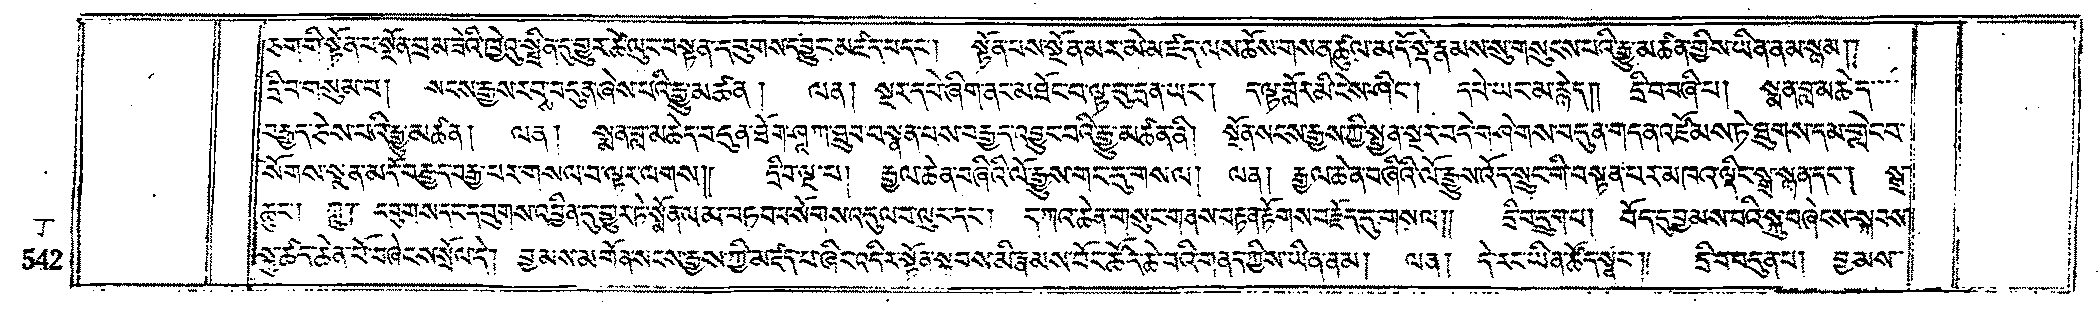ཅག་གི་སྟོན་པ་སྔོན་བྲམ་ཟེའི་ཁྱེའུ་སྤྲིན་དུ་གྱུར་ཚེ་ལུང་བསྟན་དབུགས་དབྱུང་མཛད་པ་དང་། སྟོན་པས་སྔོན་མར་མེ་མཛད་ལས་ཆོས་གསན་ཚུལ་མདོ་སྡེ་རྣམས་སུ་གསུངས་པའི་རྒྱུ་མཚན་གྱིས་ཡིན་ནམ་སྙམ།།
དྲི་བ་གསུམ་པ། སངས་རྒྱས་རབས་བདུན་ཞེས་པའི་རྒྱུ་མཚན། ལན། སྔར་དཔེ་ཞིག་ནང་མཐོང་བ་ལྟ་བུ་དྲན་ཡང་། ད་ལྟ་བློར་མི་ངེས་ཤིང་། དཔེ་ཡང་མ་རྙེད། དྲི་བ་བཞི་པ། སྨན་བླ་མཆེད་་་
བརྒྱད་ཅེས་པའི་རྒྱུ་མཚན། ལན། སྨན་བླ་མཆེད་བདུན་ཐོག་ཤཱཀ་ཐུབ་བསྣན་པས་བརྒྱད་འབྱུང་བའི་རྒྱུ་མཚན་ནི། སྔོན་སངས་རྒྱས་ཀྱི་སྤྱན་སྔར་བདེ་གཤེགས་བདུན་གདན་འཛོམས་ཏེ་ཐུགས་དམ་གླེང་བ་
སོགས་སྨན་མདོ་བརྒྱད་བརྒྱ་པར་གསལ་བ་ལྟར་ལགས།། དྲི་བ་ལྔ་པ། རྒྱལ་ཆེན་བཞིའི་ལོ་རྒྱུས་གང་དུ་གསལ། ལན། རྒྱལ་ཆེན་བཞིའི་ལོ་རྒྱུས་འོད་སྲུང་གི་བསྟན་པར་མཁའ་ལྡིང་སྒྲ་སྙན་དང་། སྒྲ་
ཆུང་། ཀླུ༑ དབུགས་དང་དབུགས་འབྱིན་དུ་གྱུར་ཏེ་སྨོན་ལམ་བཏབ་པ་སོགས་འདུལ་བ་ལུང་དང་། དཀའ་ཆེན་གསུང་གནས་བརྟན་རྟོགས་བརྗོད་དུ་གསལ།། དྲི་བ་དྲུག་པ། བོད་དུ་བྱམས་པའི་སྐུ་བཞེངས་སྐབས་
སྐུ་ཚད་ཆེན་པོ་བཞེངས་སྲོལ་དེ། བྱམས་མགོན་སངས་རྒྱས་ཀྱི་མཛད་པ་ཞིང་འདིར་སྟོན་སྐབས་མི་རྣམས་བོང་ཚོད་ཆེ་བའི་གནད་ཀྱིས་ཡིན་ནམ། ལན། དེ་རང་ཡིན་ཚོད་སྣང།། དྲི་བ་བདུན་པ། བྱམྶ་་་